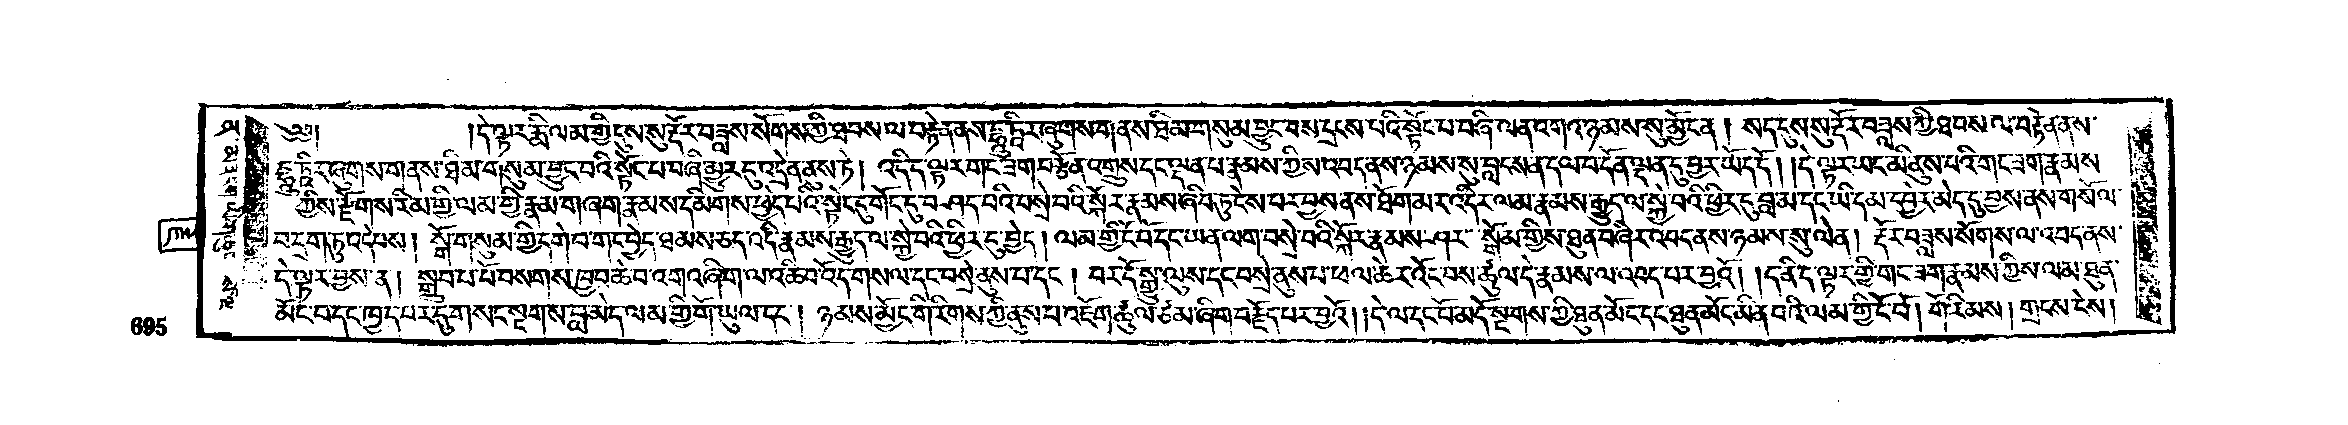༄༅། །དེ་ལྟར་རྨི་ལམ་གྱི་དུས་སུ་རྡོར་བཟླས་སོགས་ཀྱི་ཐབས་ལ་བརྟེན་ནས་དྷཱུ་ཏཱིར་ཞུགས་གནས་ཐིམ་གསུམ་བྱུང་བས་དྲངས་པའི་སྟོང་པ་བཞི་ལན་འགའ་ཉམས་སུ་མྱོང་ན། སད་དུས་སུ་རྡོར་བཟླས་ཀྱི་ཐབས་ལ་བརྟེན་ནས་
དྷཱུ་ཏཱིར་ཞུགས་གནས་ཐིམ་གསུམ་བྱུང་བའི་སྟོང་པ་བཞི་མྱུར་དུ་འདྲེན་ནུས་ཏེ། འདི་ད་ལྟར་གང་ཟག་བརྩོན་འགྲུས་དང་ལྡན་པ་རྣམས་ཀྱིས་འབད་ནས་ཉམས་སུ་བླངས་ན་དལ་བ་དོན་ལྡན་དུ་བྱར་ཡོད་དོ། །དེ་ལྟར་ཡང་མི་ནུས་པའི་གང་ཟག་རྣམས་
ཀྱིས་རྫོགས་རིམ་གྱི་ལམ་གྱི་རྣམ་གཞག་རྣམས་དམིགས་ཕྱེད་པའི་སྟེང་དུ་གོང་དུ་བཤད་པའི་བསྲེ་བའི་སྐོར་རྣམས་ཞིབ་ཏུ་ངེས་པར་བྱས་ནས་ཐོག་མར་འདིར་ལམ་རྣམས་རྒྱུད་ལ་སྐྱེ་བའི་ཕྱིར་དུ་བླ་མ་དང་ཡི་དམ་དབྱེར་མེད་དུ་བྱས་ནས་གསོལ་
བ་དྲག་ཏུ་འདེབས། སྒོ་གསུམ་གྱི་དགེ་བ་གང་བྱེད་ཐམས་ཅད་འདི་རྣམས་རྒྱུད་ལ་སྐྱེ་བའི་ཕྱིར་དུ་བྱེད། ལམ་གྱི་ངོ་བོ་དང་ཡན་ལག་བསྲེ་བའི་སྐོར་རྣམས་ཤར་སྒོམ་གྱིས་ཐུན་བཞིར་འབད་ནས་ཉམས་སུ་ལེན། རྡོར་བཟླས་སོགས་ལ་འབད་ནས་
དེ་ལྟར་བྱས་ན། སྒྲུབ་པ་པོ་བསགས་ཁྱབ་ཆེ་བ་འགའ་ཞིག་ལ་འཆི་བ་འོད་གསལ་དང་བསྲེ་ནུས་པ་དང་། བར་དོ་སྒྱུ་ལུས་དང་བསྲེ་ནུས་པ་ཕལ་ཆེར་འོང་བས་ཚུལ་དེ་རྣམས་ལ་འབད་པར་བྱའོ། །ད་ནི་ད་ལྟར་གྱི་གང་ཟག་རྣམས་ཀྱིས་ལམ་ཐུན་
མོང་བ་དང་ཁྱད་པར་དུ་གསང་སྔགས་བླ་མེད་ལམ་གྱི་གོ་ཡུལ་དང་། ཉམས་མྱོང་གི་རིགས་ཀྱི་ནུས་པ་འཇོག་ཚུལ་ཙམ་ཞིག་བརྗོད་པར་བྱའོ། །དེ་ལ་དང་པོ་མདོ་སྔགས་ཀྱི་ཐུན་མོང་དང་ཐུན་མོང་མིན་པའི་ལམ་གྱི་ངོ་བོ། གོ་རིམས། གྲངས་ངེས།